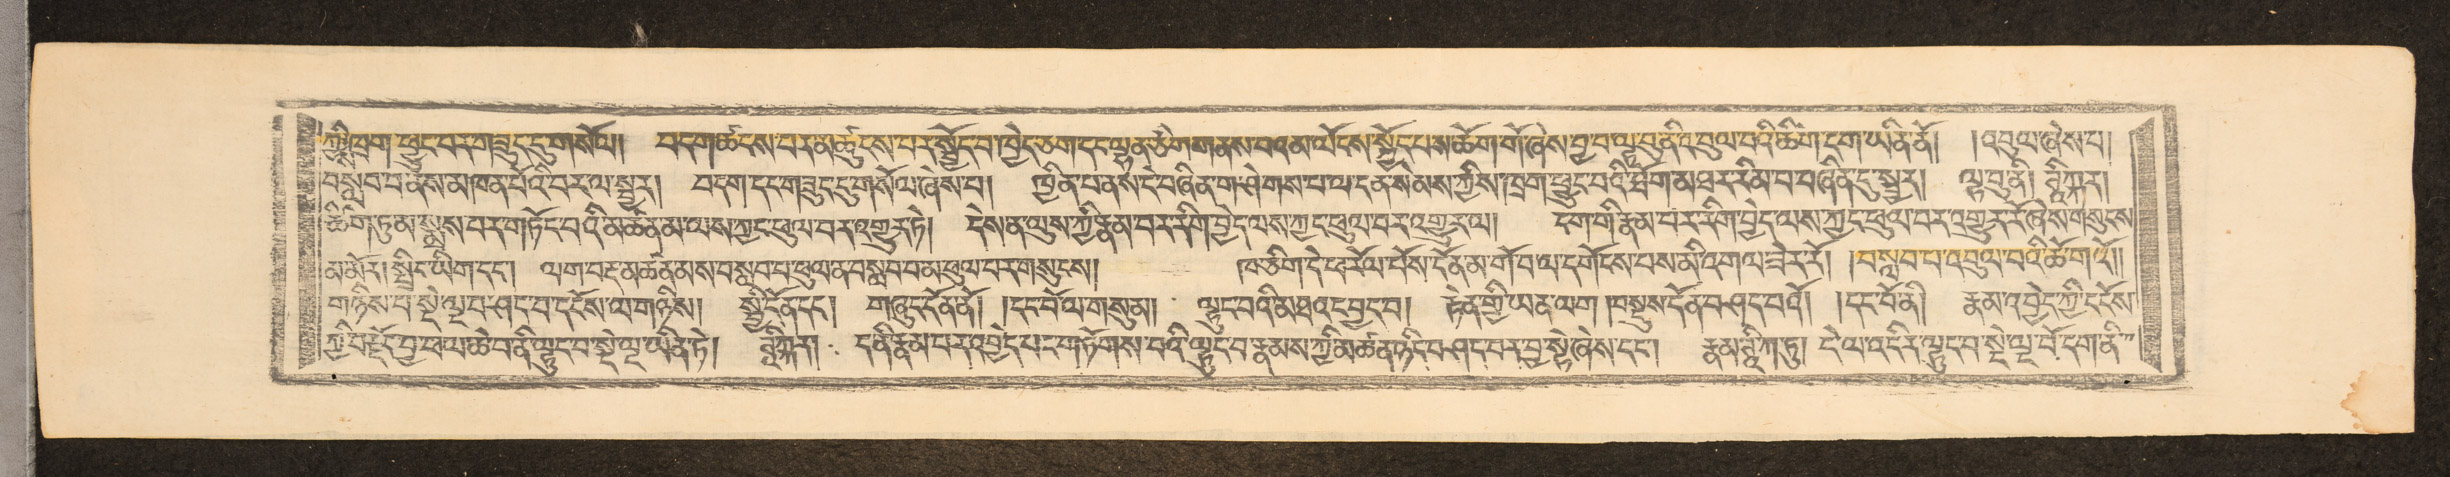ཀྱིས་ཁྲག་ཕྱུང་བར་གཟུང་དུ་གསོལ། བདག་ཚངས་པར་མཚུངས་པར་སྤྱོད་པ་ཁྱེད་ཅག་དང་ལྷན་ཅིག་གནས་པའམ་ལོངས་སྤྱོད་བས་ཆོག་གོ་ཞེས་བྱ་བ་ལྟ་བུ་ནི་འབུལ་བའི་ཚིག་དག་ཡིན་ནོ། །འབུལ་ཞེས་པ།
བསླབ་པ་ནས་མཁན་པོའི་བར་ལ་སྦྱར། བདག་དང་གཟུང་དུ་གསོལ་ཞེས་པ། ཁྱིམ་པ་ནས་དེ་བཞིན་གཤེགས་པ་ལ་ངན་སེམས་ཀྱིས་ཁྲག་ཕྱུང་བའི་ཐོག་མཐར་རིམ་པ་བཞིན་དུ་སྦྱར། ལྟ་བུ་ནི། ཊཱིཀྐར།
ཚིག་ཏུ་མ་སྨྲས་པར་གཏོང་བའི་མཚན་མ་ལས་ཀྱང་ཕུལ་བར་འགྱུར་ཏེ། དེས་ན་ལུས་ཀྱི་རྣམ་པར་རིག་བྱེད་ལས་ཀྱང་ཕུལ་བར་འགྱུར་ལ། དག་གི་རྣམ་པར་རིག་བྱེད་ལས་ཀྱང་ཕུལ་བར་འགྱུར་རོ་ཞེས་གསུངས་
མ་མོར། སྤྲིང་ཡིག་དང་། ལག་བརྡ་མཚན་མས་བསླབ་པ་ཕུལ་ན་བསླབ་པ་མ་ཕུལ་པར་གསུངས། ཁ་ཅིག་དེ་ཕ་རོལ་པོས་དོན་མ་གོ་བ་ལ་དགོངས་པས་མི་འགལ་ཟེར་རོ། །བསླབ་པ་འབུལ་བའི་ཆོ་གའོ།།
གཉིས་པ་སྡེ་ལྔ་བཤད་པ་དངོས་ལ་གཉིས། སྤྱི་དོན་དང་། གཞུང་དོན་ནོ། །དང་པོ་ལ་གསུམ། ལྟུང་བའི་མཐའ་དཔྱད་པ། རྟེན་གྱི་ཡན་ལག །བསྡུས་དོན་བཤད་པའོ། །དང་པོ་ནི། རྣམ་འབྱེད་ཀྱི་དངོས་
ཀྱི་བརྗོད་བྱ་ཕལ་ཆེ་བ་ནི་ལྟུང་བ་སྡེ་ལྔ་ཡིན་ཏེ། ཊཱིཀྐར། ད་ནི་རྣམ་པར་འབྱེད་པར་གཏོགས་པའི་ལྟུང་བ་རྣམས་ཀྱི་མཚན་ཉིད་བཤད་བར་བྱ་སྟེ་ཞེས་དང་། རྣམ་ཊཱིཀ་ཏུ། དེ་ལ་འདིར་ལྟུང་བ་སྡེ་ལྔ་པོ་དག་ནི་